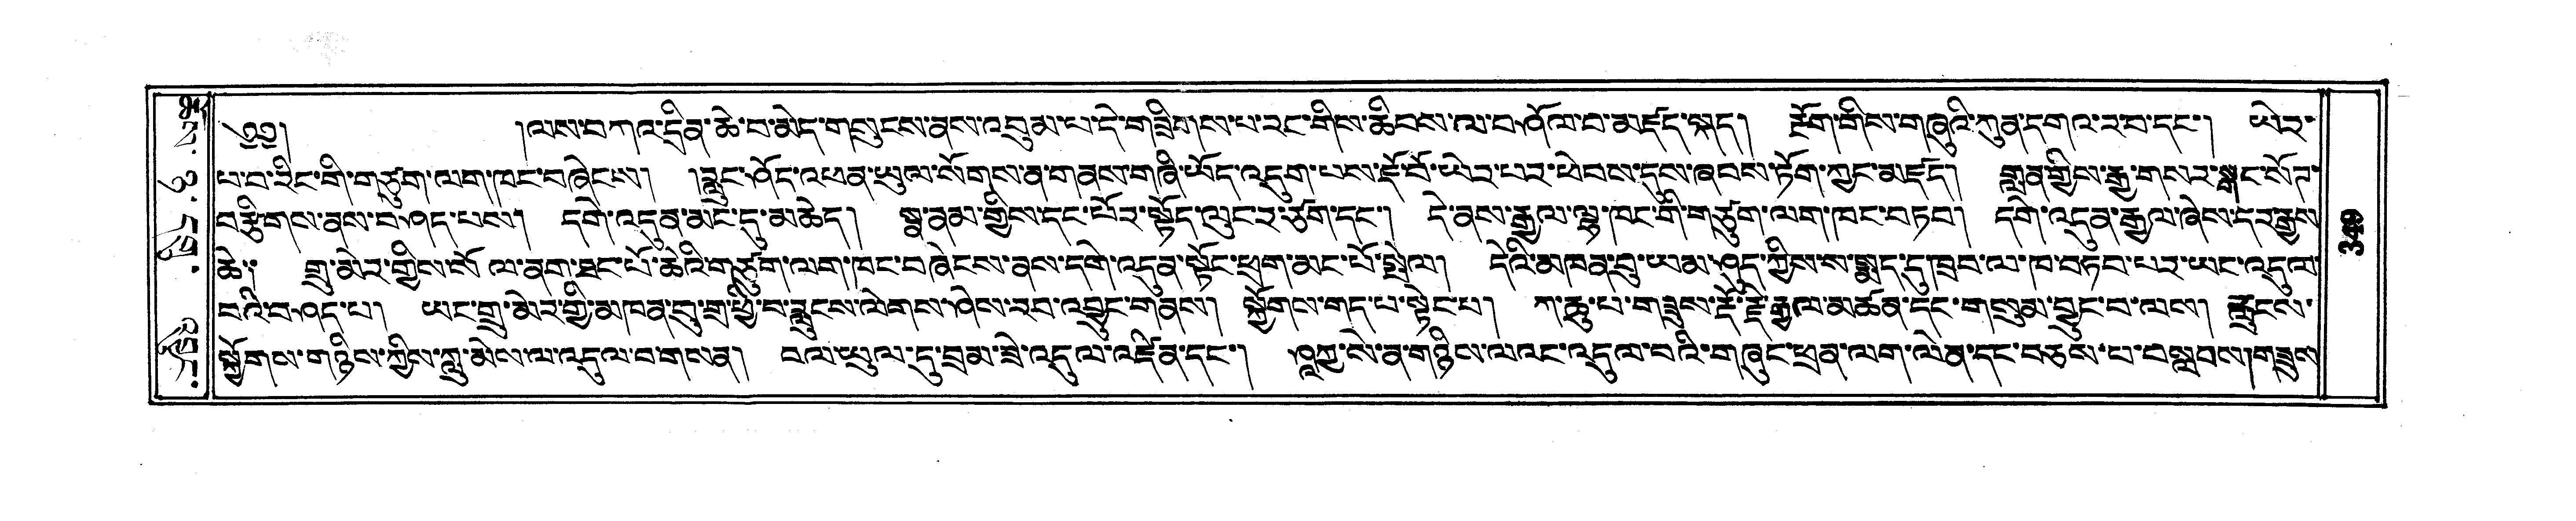༄༅། །ལས་བཀའ་དྲིན་ཆེ་བ་མེད་གསུངས་ནས་འབུམ་པ་དེ་གཟིགས་པ་རང་གིས་ཆིབས་ལ་བཤོལ་བ་མཛད་སྐད། རྡོག་གིས་གཞུའི་ཀུན་དགའ་ར་བ་དང་། ཡེར་
པ་བ་རིང་གི་གཙུག་ལག་ཁང་བཞེངས། །རླུང་ཤོད་འཕན་ཡུལ་སོགས་ན་གནས་གཞི་ཡོད་འདུག་པས་ཇོ་བོ་ཡེར་པར་ཕེབས་དུས་ཞབས་ཏོག་ཀྱང་མཛད། གླན་གྱིས་རྒྱ་གསར་སྐང་སོཌ་
བརྩིགས་ནས་བཤད་པས། དགེ་འདུན་མང་དུ་མཆེད། སྣ་ནམ་གྱིས་དང་པོར་སྟོད་ལུང་ར་ཙག་དང་། དེ་ནས་རྒྱལ་ལྷ་ཁང་གི་གཙུག་ལག་ཁང་བཏབ། དགེ་འདུན་རྒྱལ་ཞེས་དར་རྒྱས་
ཆེ༑ གྲུ་མེར་གྱིས་སོལ་ནག་ཐང་པོ་ཆེའི་གཙུག་ལག་ཁང་བཞེངས་ནས་དགེ་འདུན་སྟོང་ཕྲག་མང་པོ་སྤེལ། དེའི་མཁན་བུ་ཡམ་ཤུད་ཀྱིས་ས་སྨད་དུ་ཁྲབ་ལ་ཁ་བཏབ་པར་ཡང་འདུལ་
བའི་བཤད་པ། ཡང་གྲུ་མེར་གྱི་མཁན་བུ་གྲ་ཕྱི་བ་རླུངས་ལེགས་ཤེས་རབ་འབྱུང་གནས། སྐྱོགས་གད་པ་སྟེང་པ། ཀ་ཆུ་པ་གཟུས་རྡོ་རྗེ་རྒྱལ་མཚན་དང་གསུམ་བྱུང་བ་ལས། རླུངས་
སྐྱོགས་གཉིས་ཀྱིས་ཀླུ་མེས་ལ་འདུལ་བ་གསན། བལ་ཡུལ་དུ་བྲམ་ཟེ་འདུལ་འཛིན་དང་། ཤཱཀྱ་སེ་ན་གཉིས་ལའང་འདུལ་བའི་གཞུང་ཕྲན་ལག་ལེན་དང་བཅས་པ་བསླབས། གཟུགས་